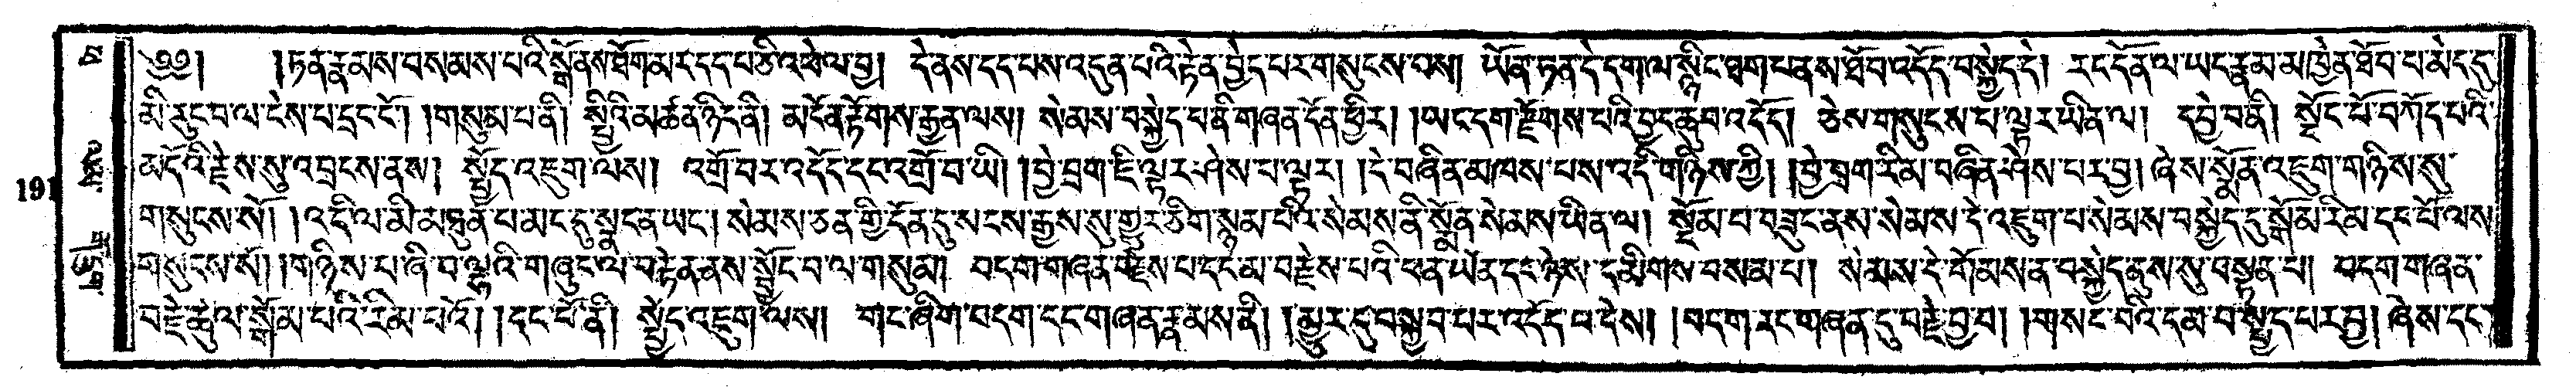༄༅། །ཏན་རྣམས་བསམས་པའི་སྒོ་ནས་ཐོག་མར་དད་པ་ཅི་འཕེལ་བྱ། དེ་ནས་དད་པས་འདུན་པའི་རྟེན་བྱེད་པར་གསུངས་པས། ཡོན་ཏན་དེ་དག་ལ་སྙིང་ཐག་པ་ནས་ཐོབ་འདོད་བསྐྱེད་དེ། རང་དོན་ལ་ཡང་རྣམ་མཁྱེན་ཐོབ་པ་མེད་དུ་
མི་རུང་བ་ལ་ངེས་པ་དྲང་ངོ། །གསུམ་པ་ནི། སྤྱིའི་མཚན་ཉིད་ནི། མངོན་རྟོགས་རྒྱན་ལས། སེམས་བསྐྱེད་པ་ནི་གཞན་དོན་ཕྱིར། །ཡང་དག་པར་རྫོགས་པའི་བྱང་ཆུབ་འདོད། ཅེས་གསུངས་པ་ལྟར་ཡིན་ལ། དབྱེ་བ་ནི། སྡོང་པོ་བཀོད་པའི་
མདོའི་རྗེས་སུ་འབྲངས་ནས། སྤྱོད་འཇུག་ལས། འགྲོ་བར་འདོད་དང་འགྲོ་བ་ཡི། །བྱེ་བྲག་ཇི་ལྟར་ཤེས་པ་ལྟར། །དེ་བཞིན་མཁས་པས་འདི་གཉིས་ཀྱི། །བྱེ་བྲག་རིམ་བཞིན་ཤེས་པར་བྱ། ཞེས་སྨོན་འཇུག་གཉིས་སུ་
གསུངས་སོ། །འདི་ལ་མི་མཐུན་པ་མང་དུ་སྣང་ན་ཡང་། སེམས་ཅན་གྱི་དོན་དུ་སངས་རྒྱས་སུ་གྱུར་ཅིག་སྙམ་པའི་སེམས་ནི་སྨོན་སེམས་ཡིན་ལ། སྡོམ་པ་བཟུང་ནས་སེམས་དེ་འཇུག་པ་སེམས་བསྐྱེད་དུ་སྒོམ་རིམ་དང་པོ་ལས་
གསུངས་སོ། །གཉིས་པ་ཞི་བ་ལྷའི་གཞུང་ལ་བརྟེན་ནས་སྦྱོང་བ་ལ་གསུམ། བདག་གཞན་བརྗེས་པ་དང་མ་བརྗེས་པའི་ཕན་ཡོན་དང་ཉེས་དམིགས་བསམ་པ། སེམས་དེ་གོམས་ན་བསྐྱེད་ནུས་སུ་བསྟན་པ། བདག་གཞན་
བརྗེ་ཚུལ་སྒོམ་པའི་རིམ་པའོ། །དང་པོ་ནི། སྤྱོད་འཇུག་ལས། གང་ཞིག་བདག་དང་གཞན་རྣམས་ནི། །མྱུར་དུ་བསྐྱབ་པར་འདོད་པ་དེས། །བདག་རང་གཞན་དུ་བརྗེ་བྱ་བ། །གསང་བའི་དམ་པ་སྤྱད་པར་བྱ། ཞེས་དང་